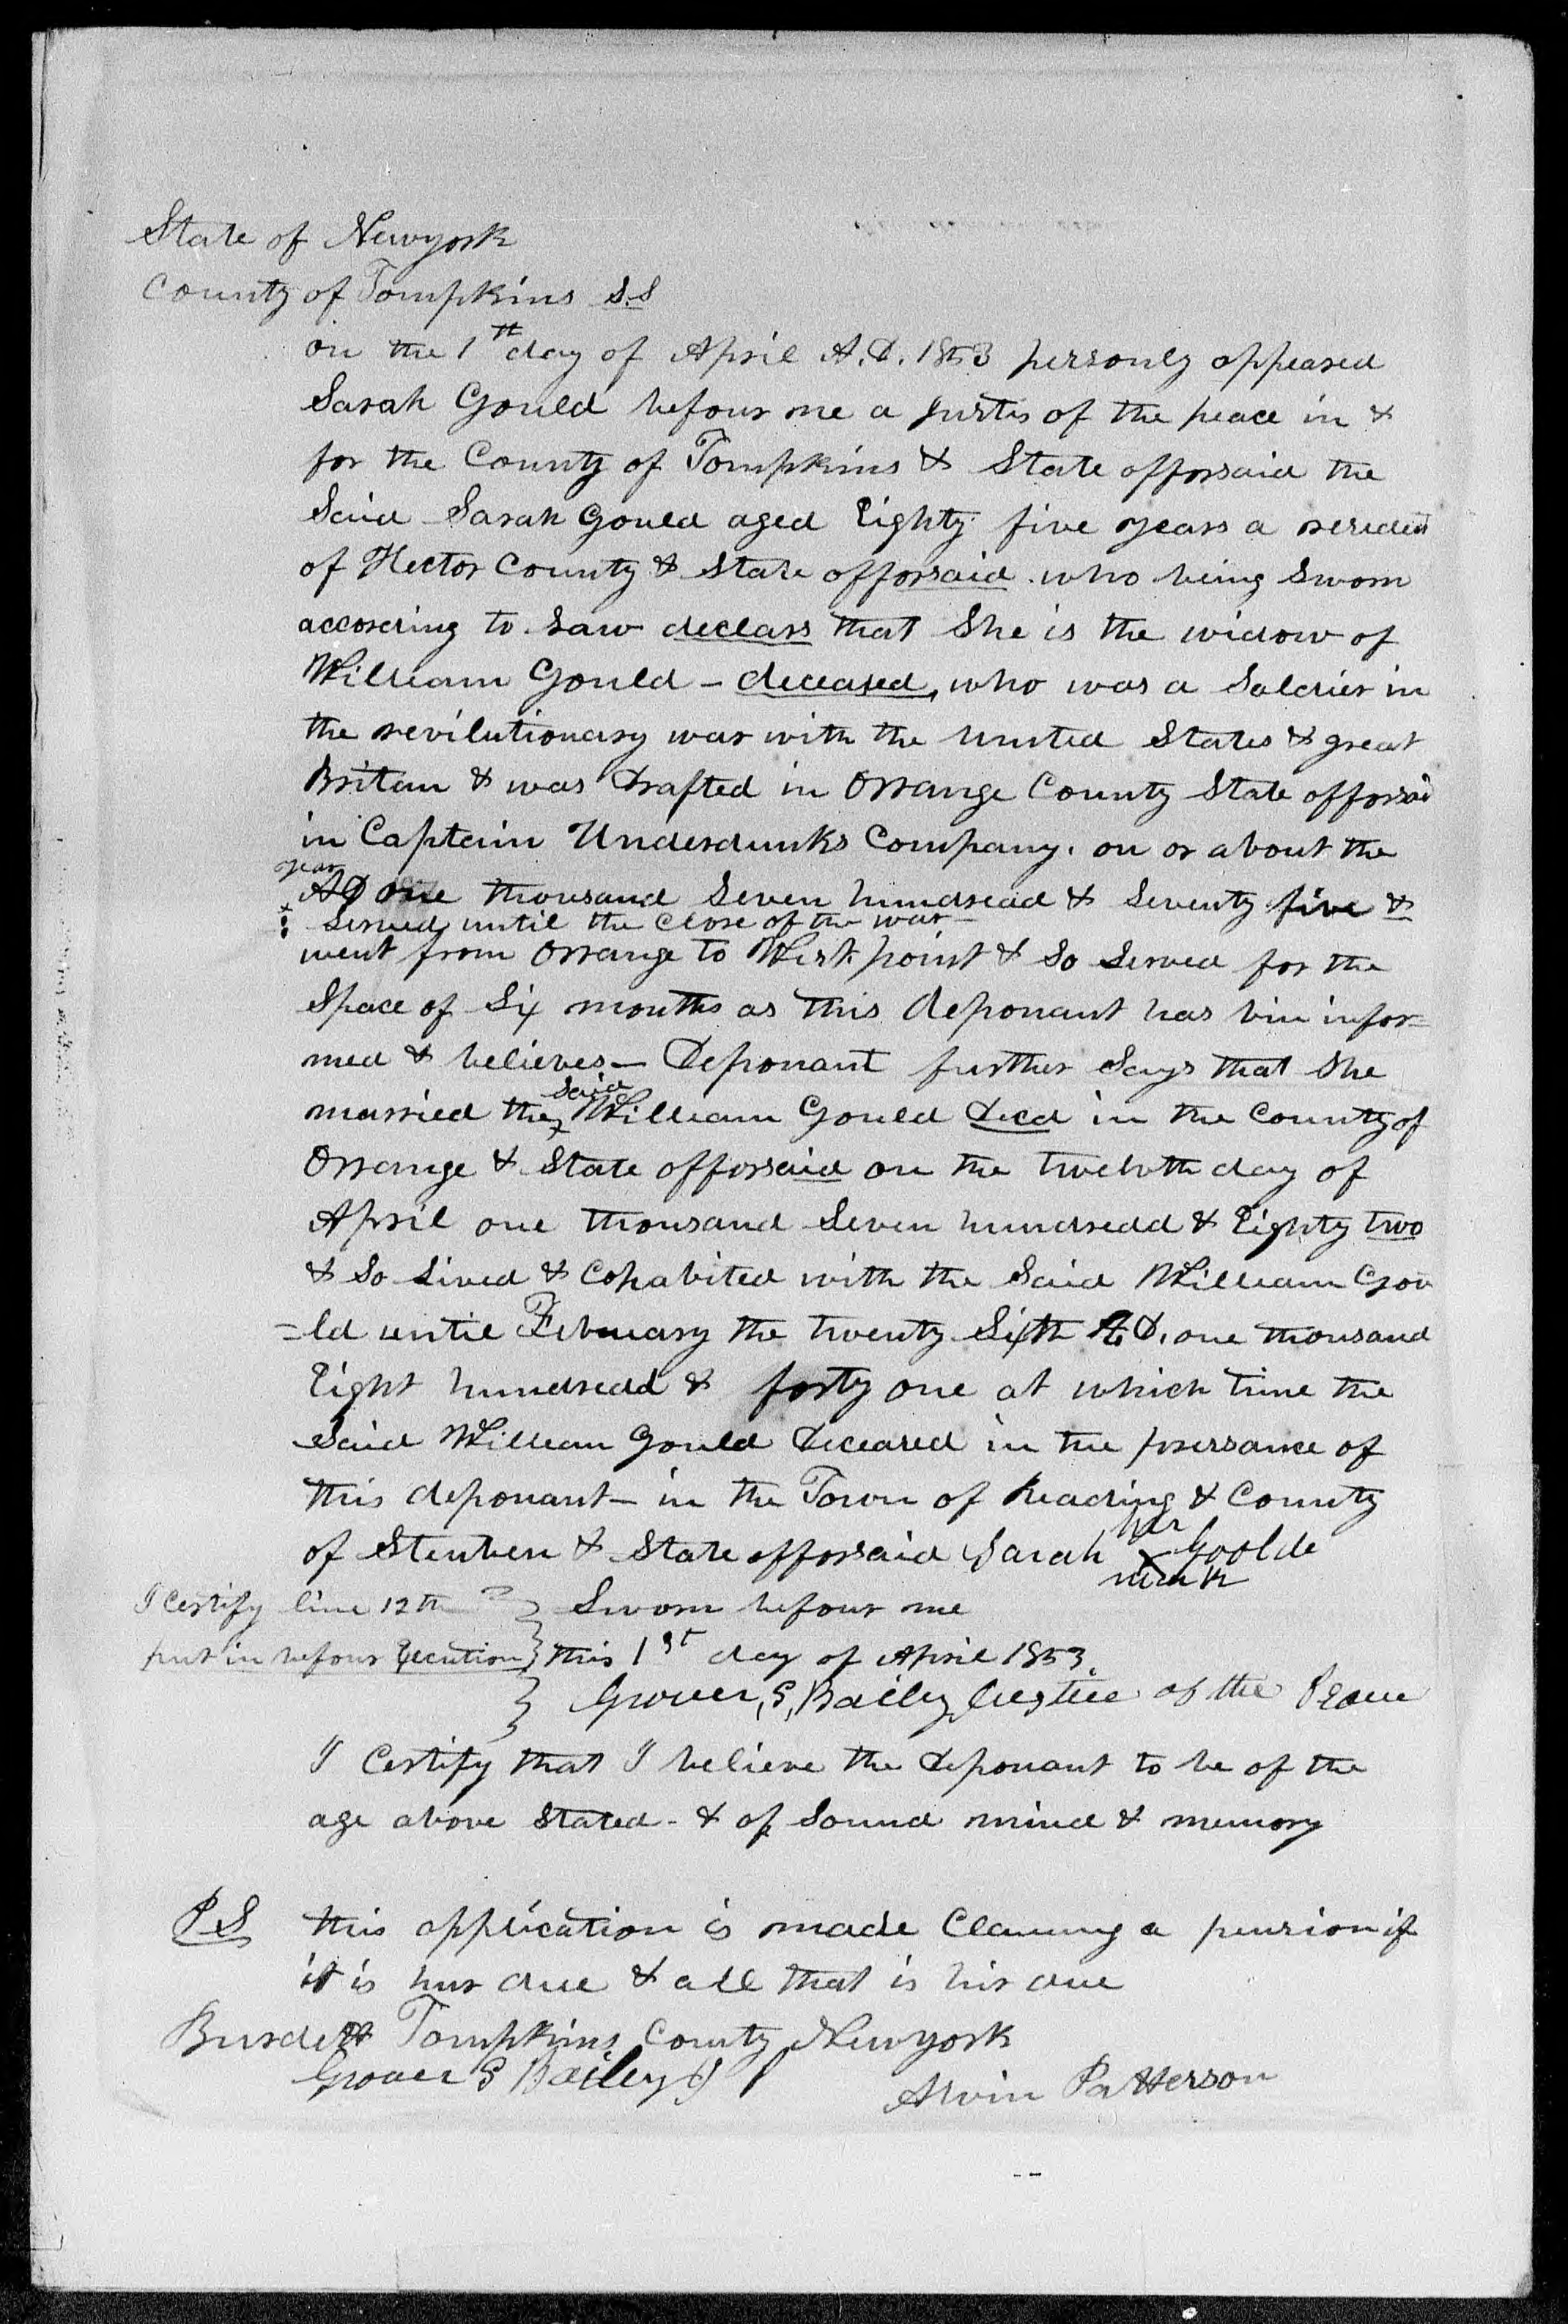State of New York
County of Tompkins

on the 1st day of April A.D. 1853 personally appeared Sarah Gould before me a Justice of the Peace in & for the County of Tompkins & State aforesaid the Said Sarah Gould aged Eighty five years a resident of Hector County & State aforesaid who being Sworn according to law declares that She is the widow of William Gould- deceased, who was a Soldier in the revolutionary war with the United States & great Britian & was drafted in Orange County State aforesaid in Captain Underdunks Company on or about the one thousand seven hundred & seventy five served until the close of the war-went from Orange to West point & so served for the space of six months as this deponant has been informaed & belives- Deponant further Says that She married the ^said William Gould decd in the County of  Orange & State aforesaid on the twelfth day of April one thousand seven hundred & eighty two & so lived & cohabitated with the Said William Gould until February the twenty Six A.D. one thousand eight hundred & forty one at which time the Said William Gould declared in the presence of this deponant- in the Town of Reading & County of Steuben & State aforesaid

Sarah Gould [her mark]

I certify line 12 put in before executiono

Sworn before me this 1st day of April 1853
Grover S. Bailey Justice of the Peace I certify that I believe the deponant to be of the age above stated & of sound mind & memory

PS this application is made claiming a pension if it is her due & all that is his due

[illegible] Tompkins County New York
Grover S Bailey

Alvin Patterson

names: Alvin Patterson, Grover S Bailey, William Gould, William Gould, Sarah Gould, Sarah Gould, William Gould, Grover S Bailey, William Gould, Sarah Goolde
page: 18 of 20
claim: rejected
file: R. 4,161, William Gould, New York